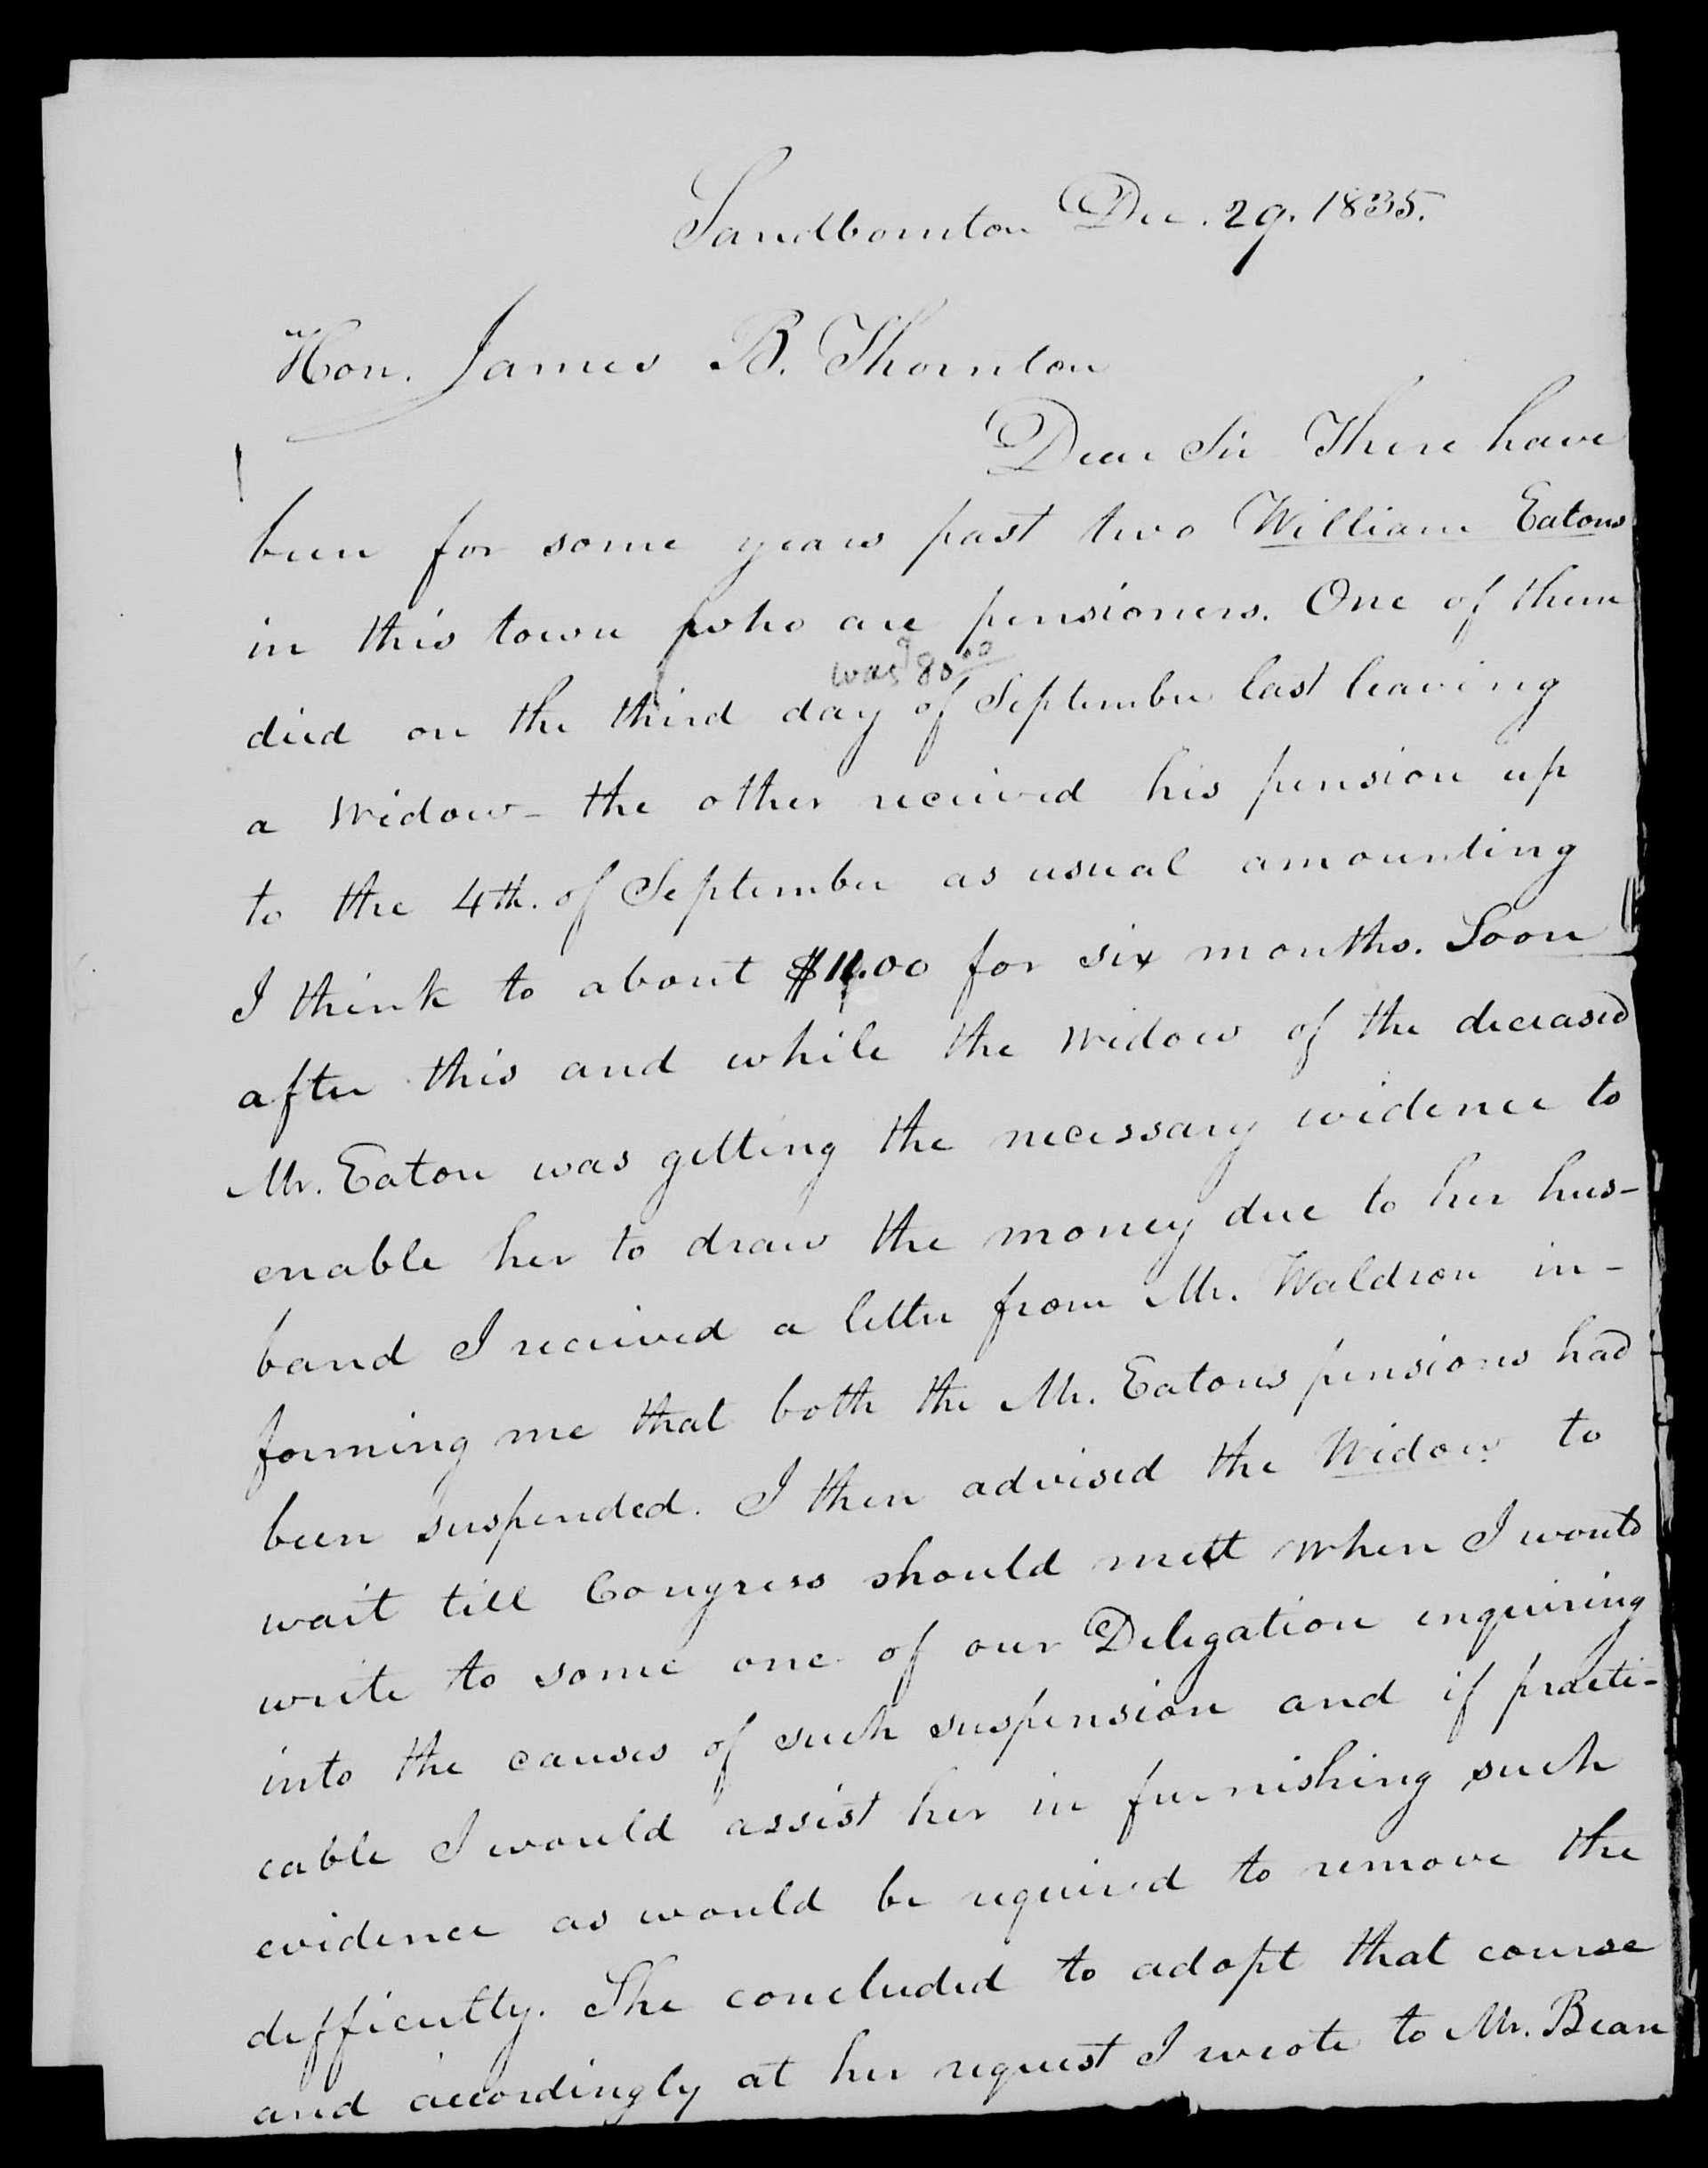Sandbornton Dec. 29, 1835. 

Hon. James B. Thornton 
Dear Sir there have been for some years past two William Eatons to in this town who are pensioners. One of them died on the third day of September was 80 yo last leaving a widow, the other received his pension up to the 4th of September as usual amounting I think to about $16.00 for six months. Soon after this and while the widow of the deceased Mr. Eaton was getting the necessary evidence to enable her to draw the money due to her husband I received a letter from Mr. Waldron in forming me that both the M. Eatons pensions had been suspended. I then advised the widow to wait till Congress should meet when I would write to some one of our delegation enquiring into the causes of such suspension and if practicable I would assist her in furnishing such evidence as would be required to remove the difficulty. She concluded to adopt that course and accordingly at her request I wrote to Mr. Bean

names: Bean, Waldron, Eaton, Eaton, James B Thornton, William Eaton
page: 16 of 21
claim: survivor's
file: S. 16374, William Eaton, Continental Mass. N.H.